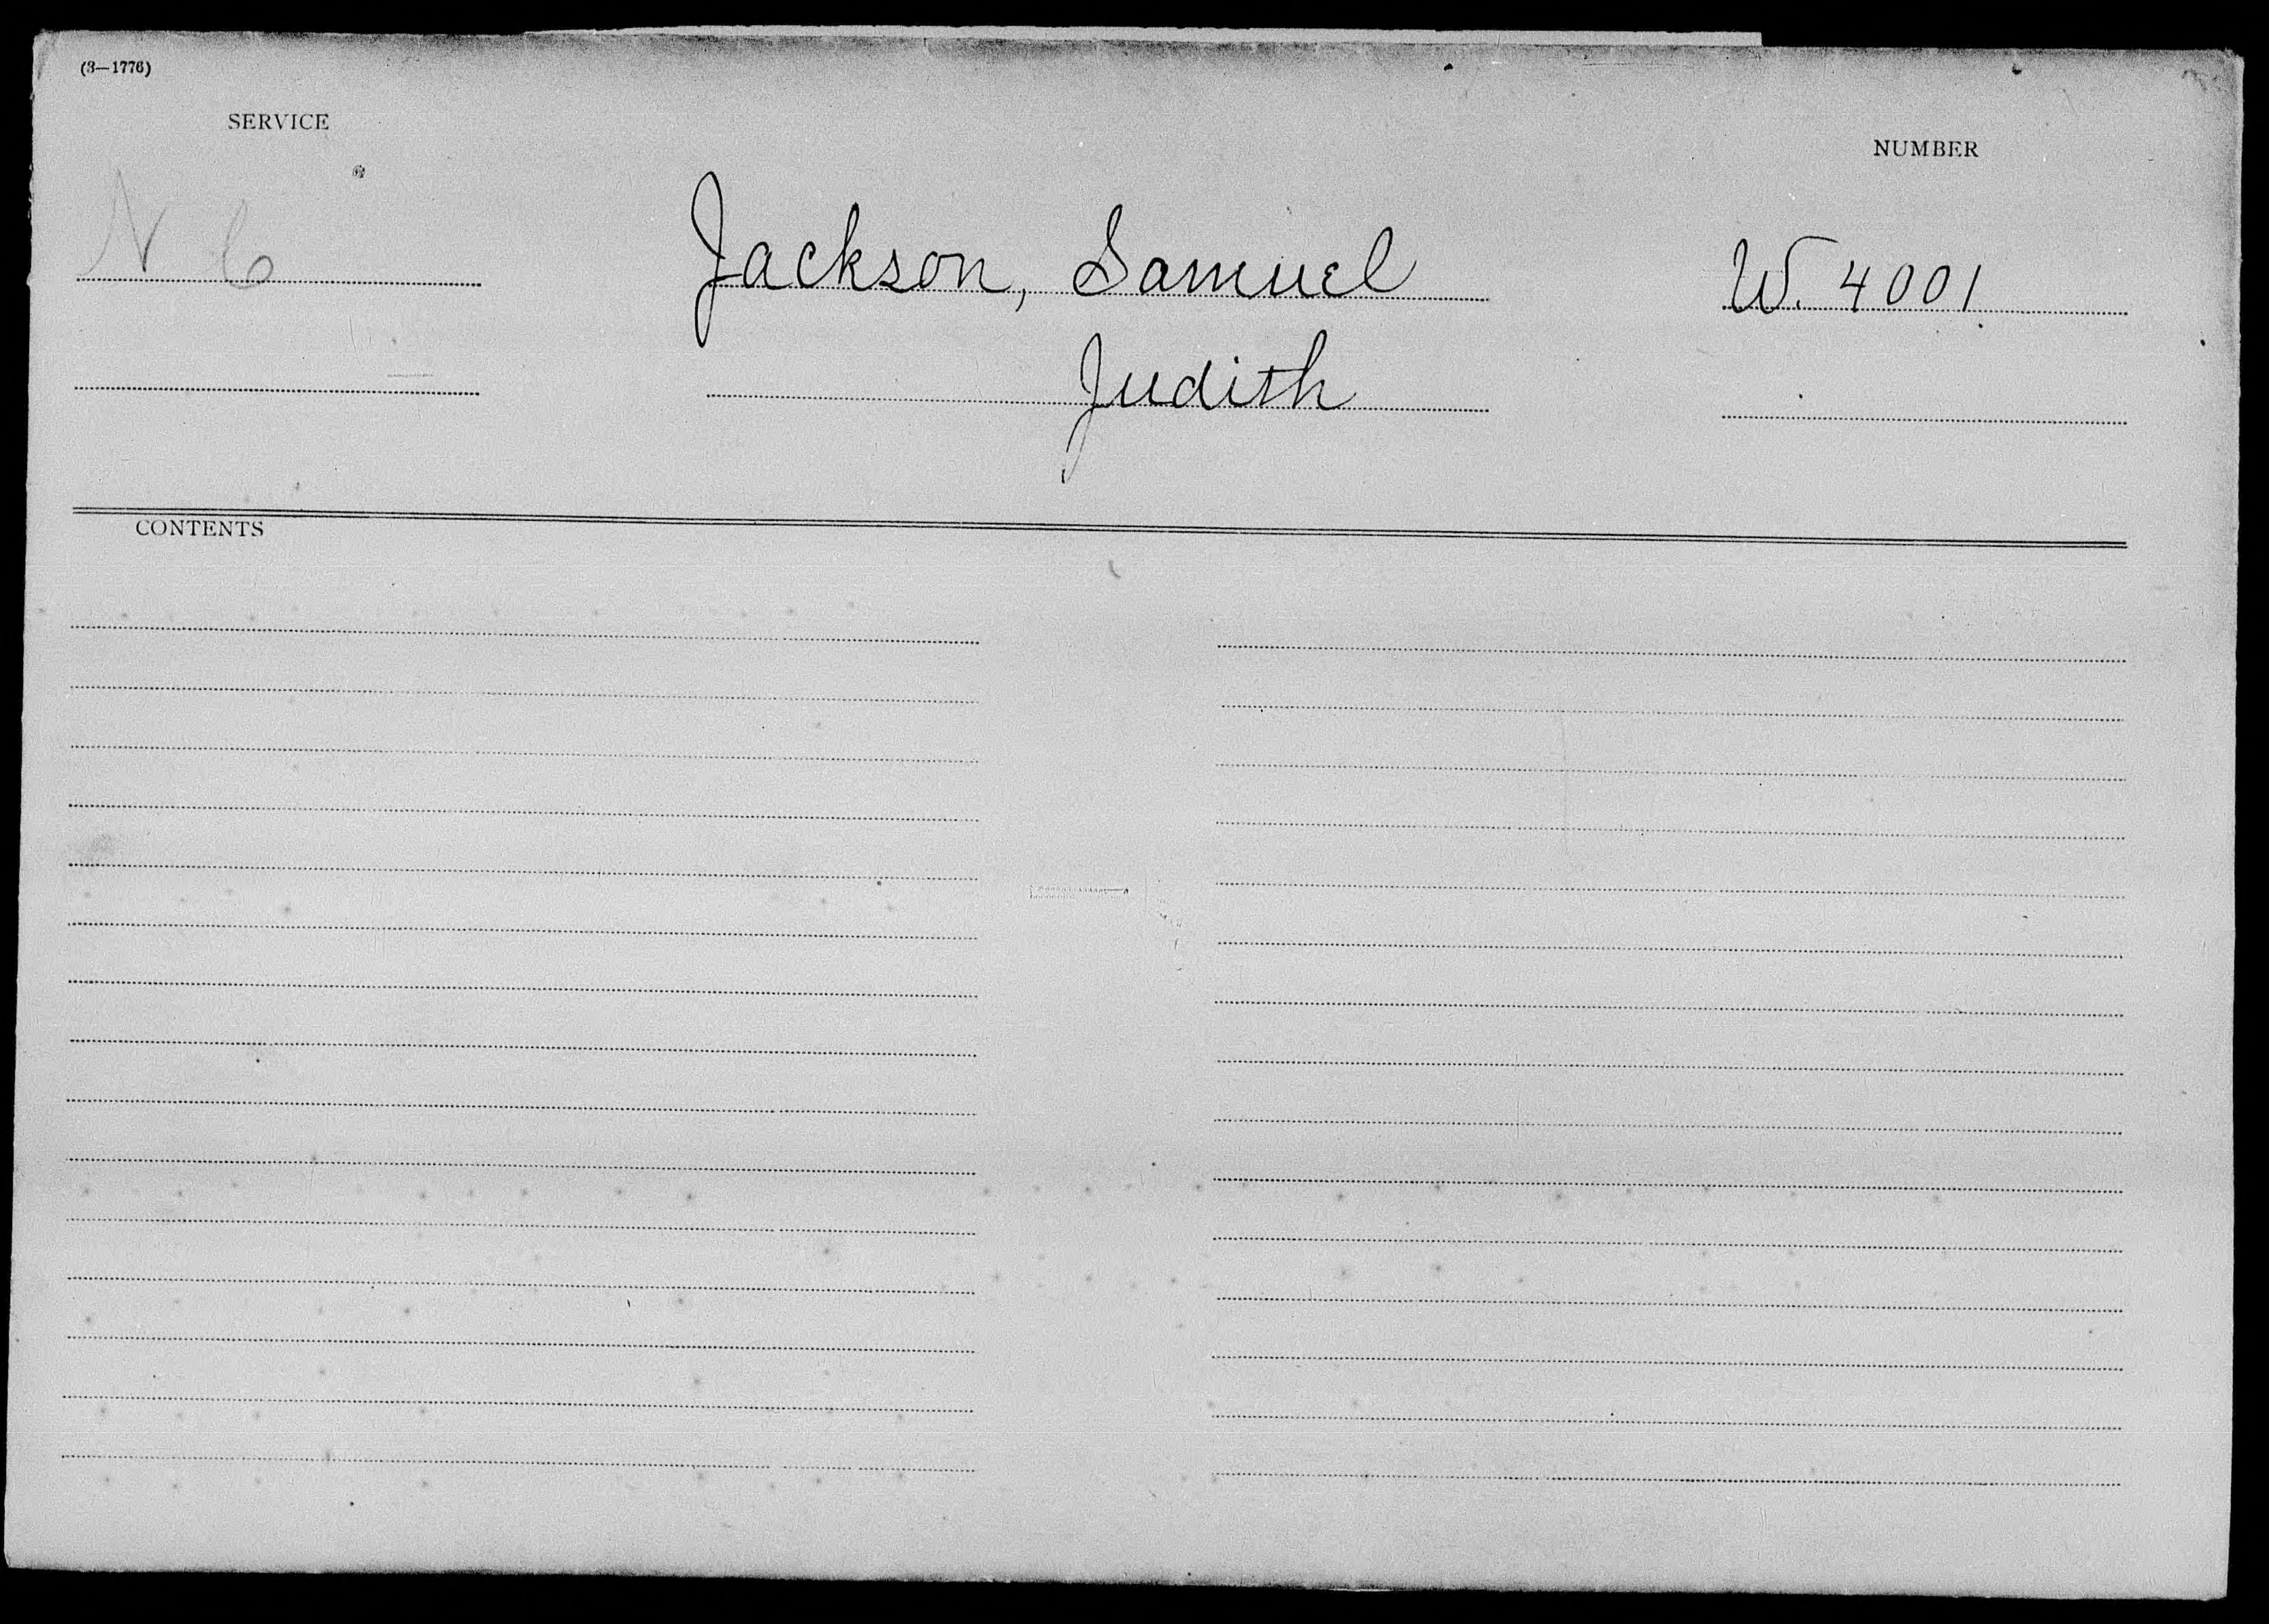(3-1776)

SERVICE.
N.C.

Jackson, Samnuel
Judith
NUMBER
W.4001

Carded

CONTENTS.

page: 1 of 49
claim: widow's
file: W. 4001, for Samuel Jackson, North Carolina